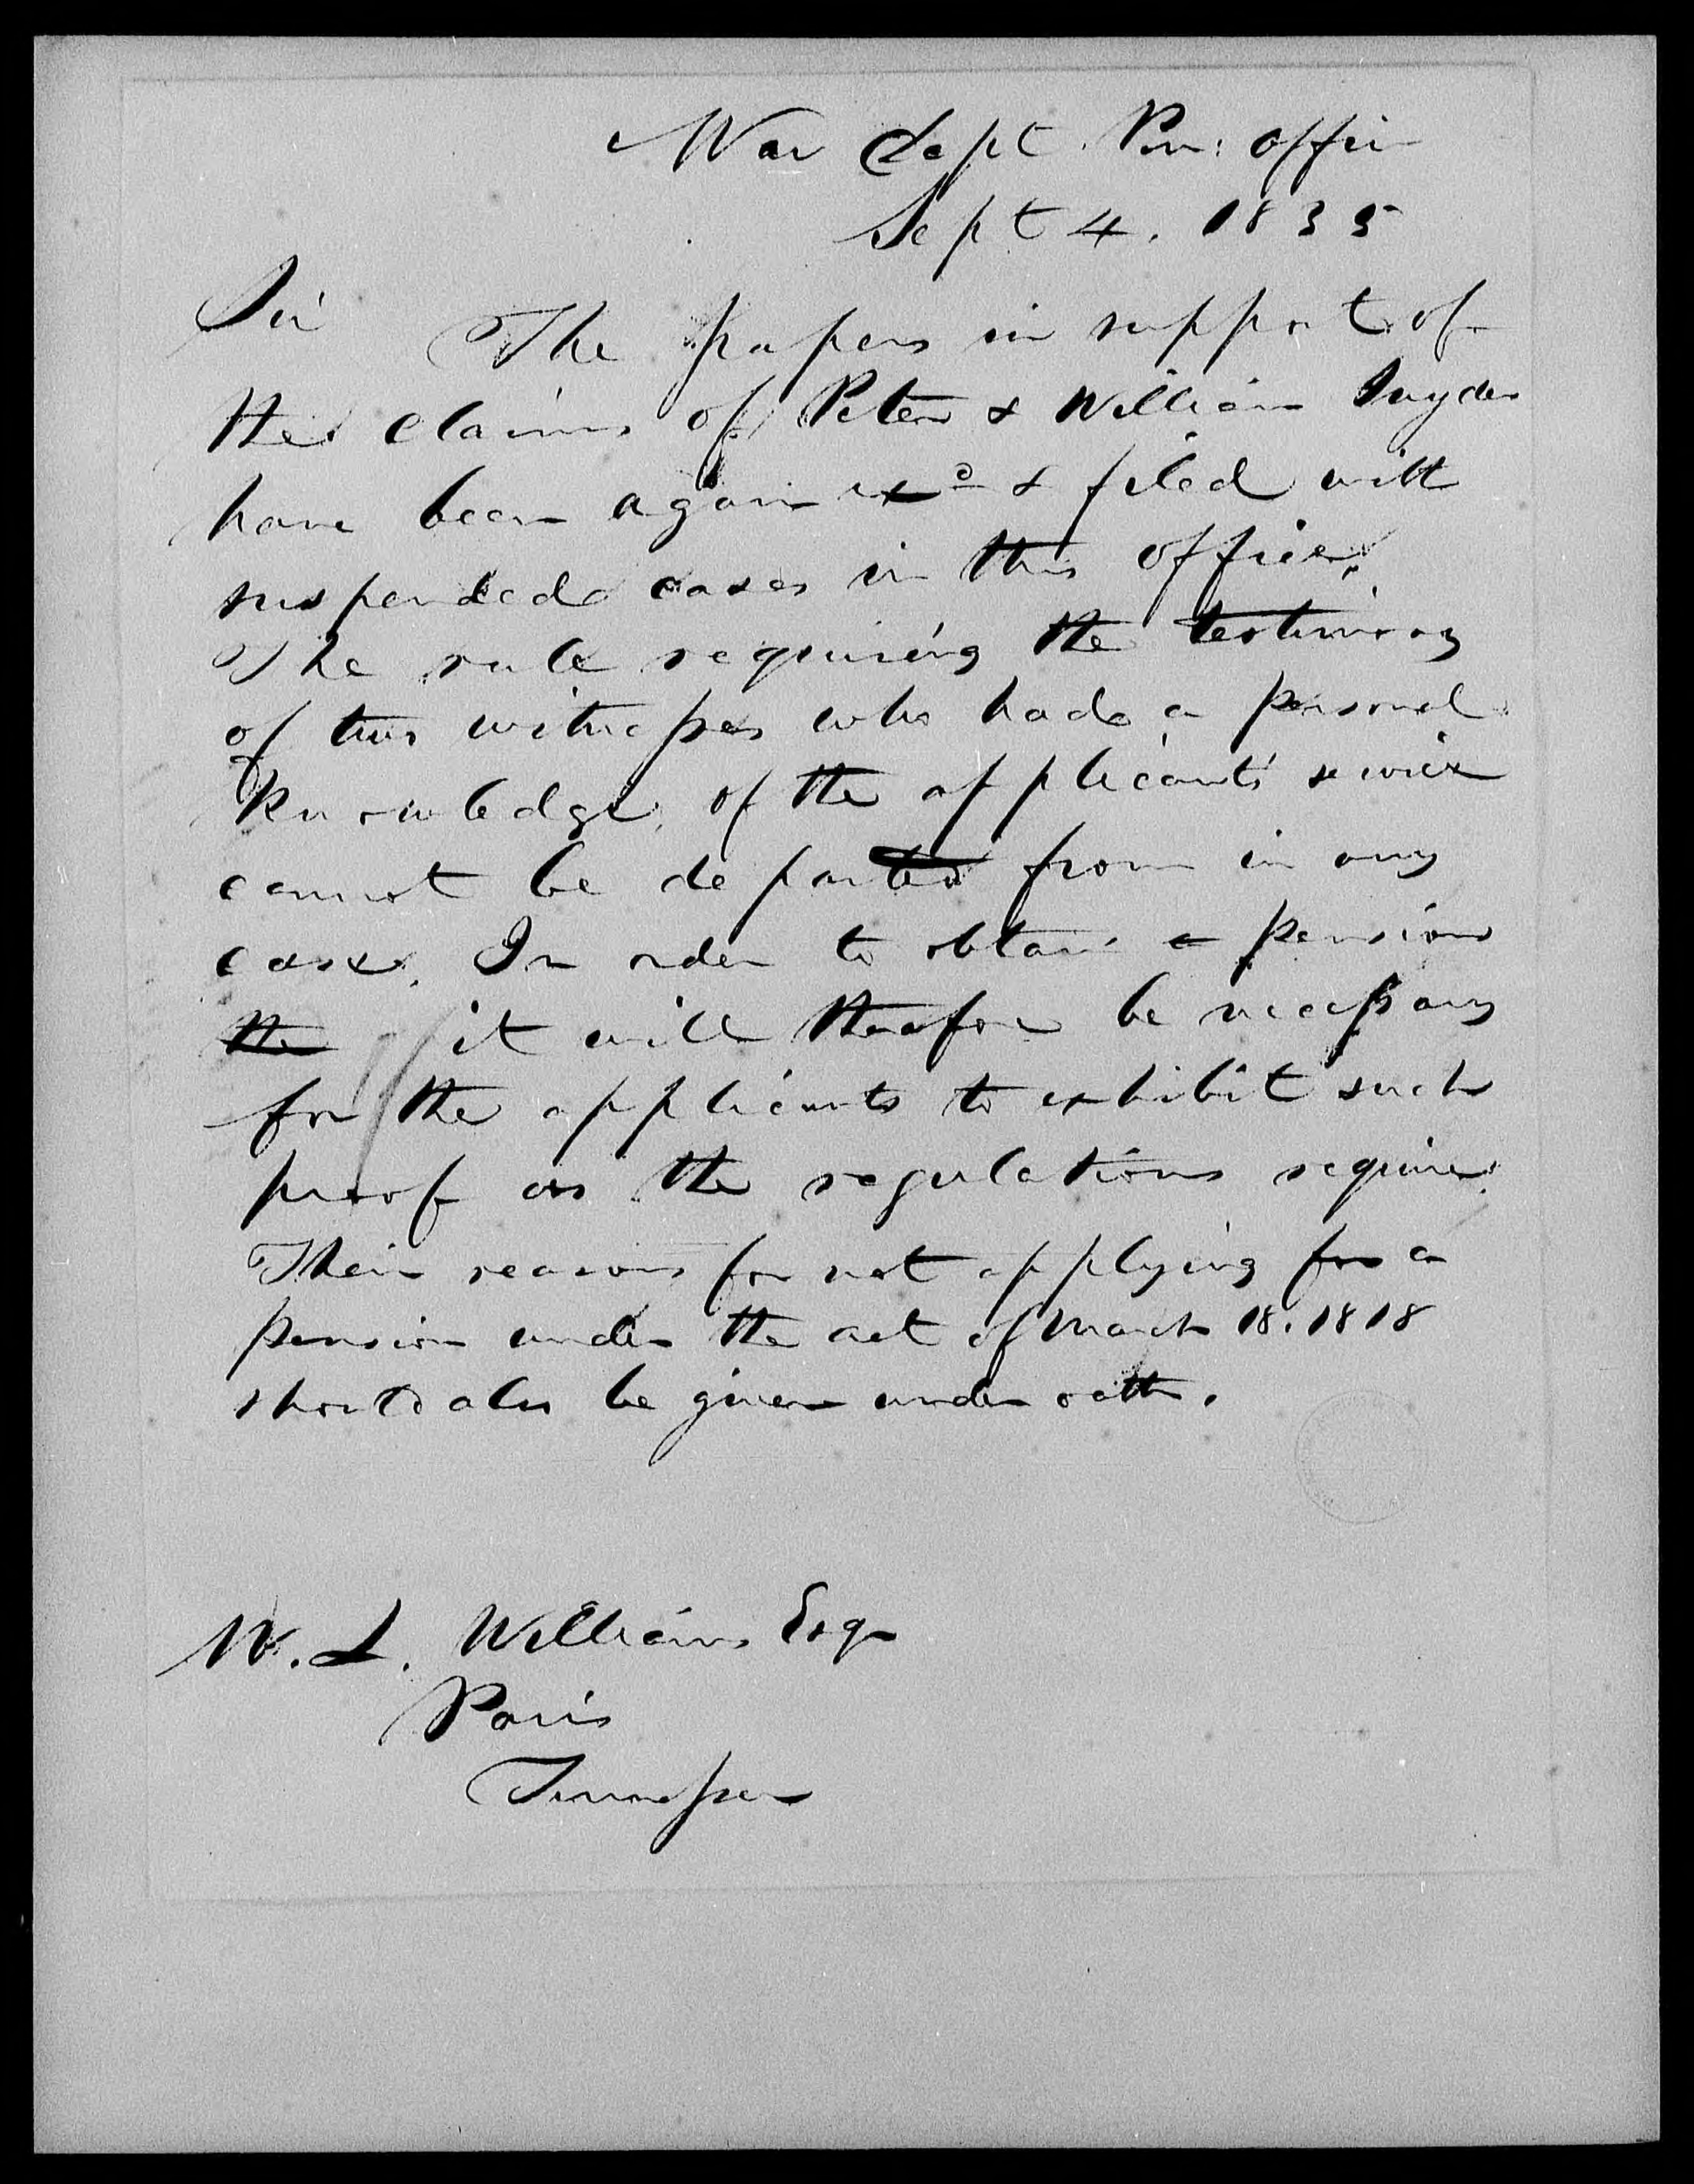War Dept. Pen Office
Sept 4, 1835
Sir
The papers in support of the claims of Peter & William Snyder have been again exd. & filed with suspended cases in this office. The rule requiring the testimony of two witnesses who had a personal knowledge of the applicant's service cannot be departed from in any care. In order to obtain a pension, it will therefore be necessary for the applicants to exhibit such proof as the regulations require. Their reasons for not applying for a pension under the act of March 18, 1808 should also be given under oath.


W. L. Williams Esq.
Paris
Tennessee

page: 24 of 33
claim: rejected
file: R 10439, for William Taylor, North Carolina